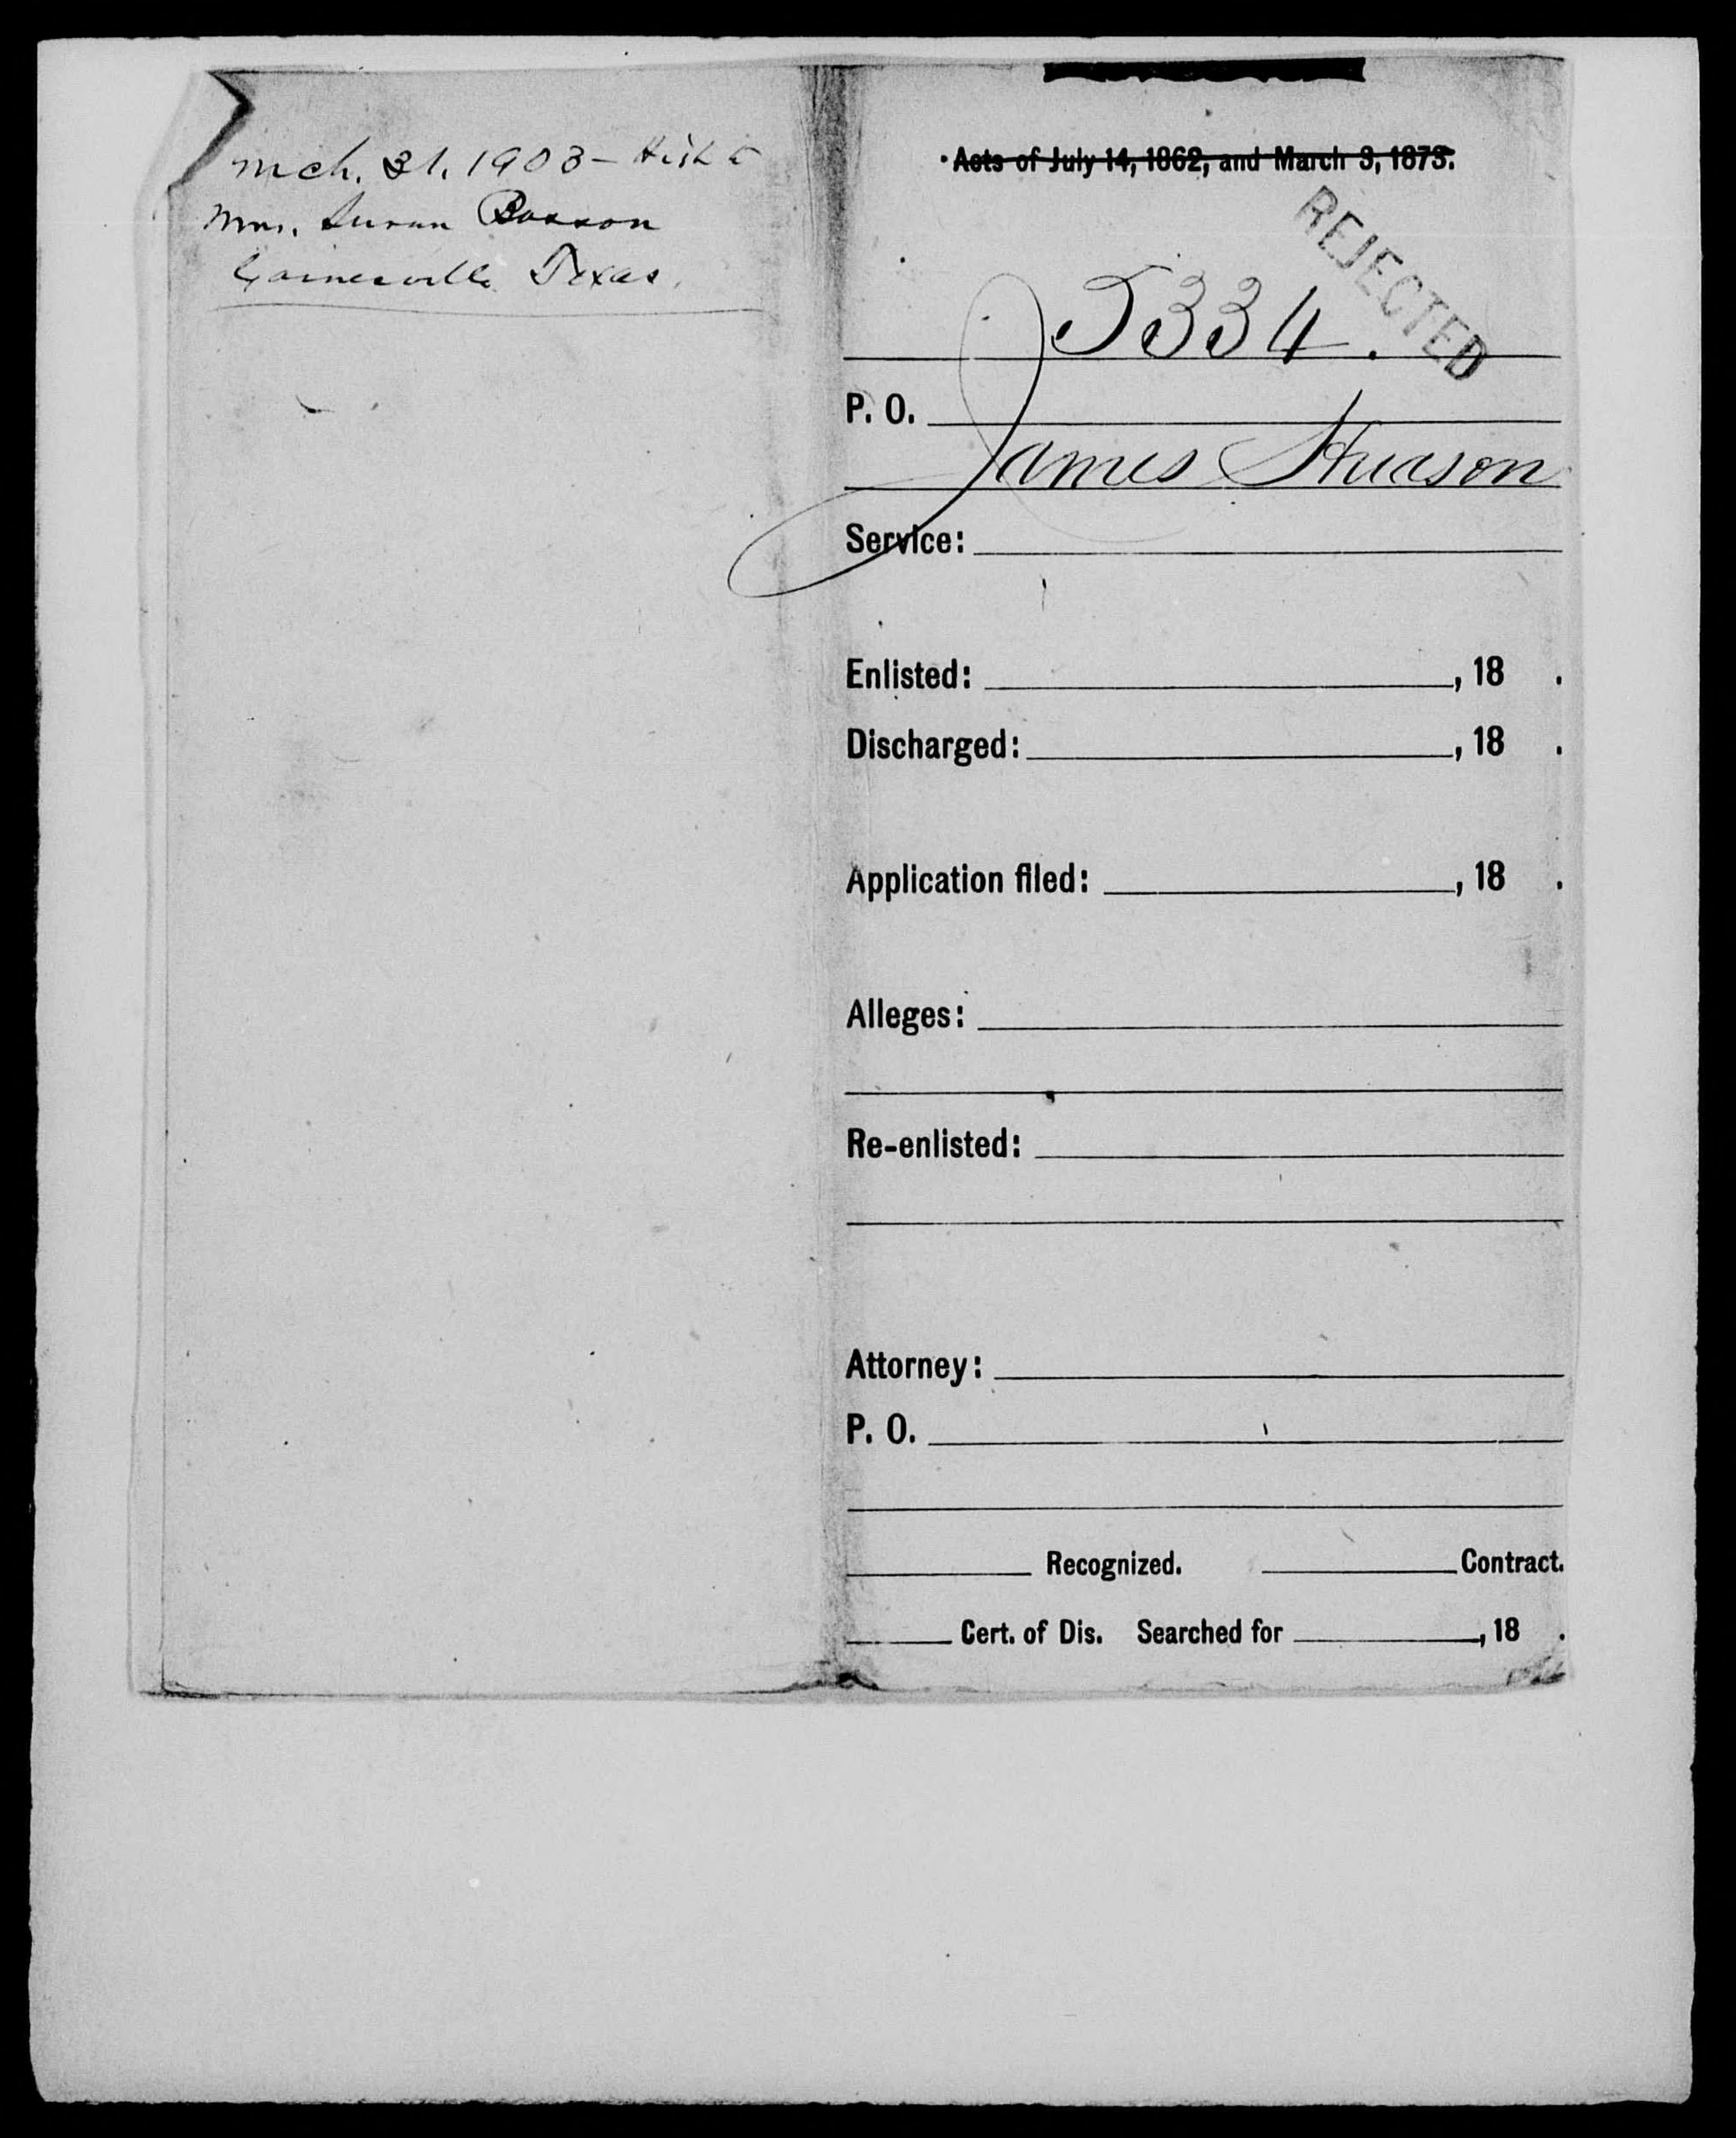[handwritten]
mch. 31, 1903 - H[illegible]
Mrs. Susan Bosson
Gainesville Texas

[printed]
Acts of July 14, 1862, and March 3, 1873. [crossed out]

[stamp]
REJECTED

[handwritten]
5334.

[printed]
P.O.

[handwritten]
James Hudson or Hutson

[rest of printed form is empty; these are headings]

Service:

Enlisted:  ______________, 18
Discharged:  __________, 18

Application filed:  __________, 18

Alleges:

Re-enlisted:

Attorney:
P.O.
Recognized.    Contract.
Cert. of Dis.  Searched for _________, 18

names: James Hudson, Susan Bosson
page: 33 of 33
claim: rejected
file: R. 5334, James Hudson, N.C.